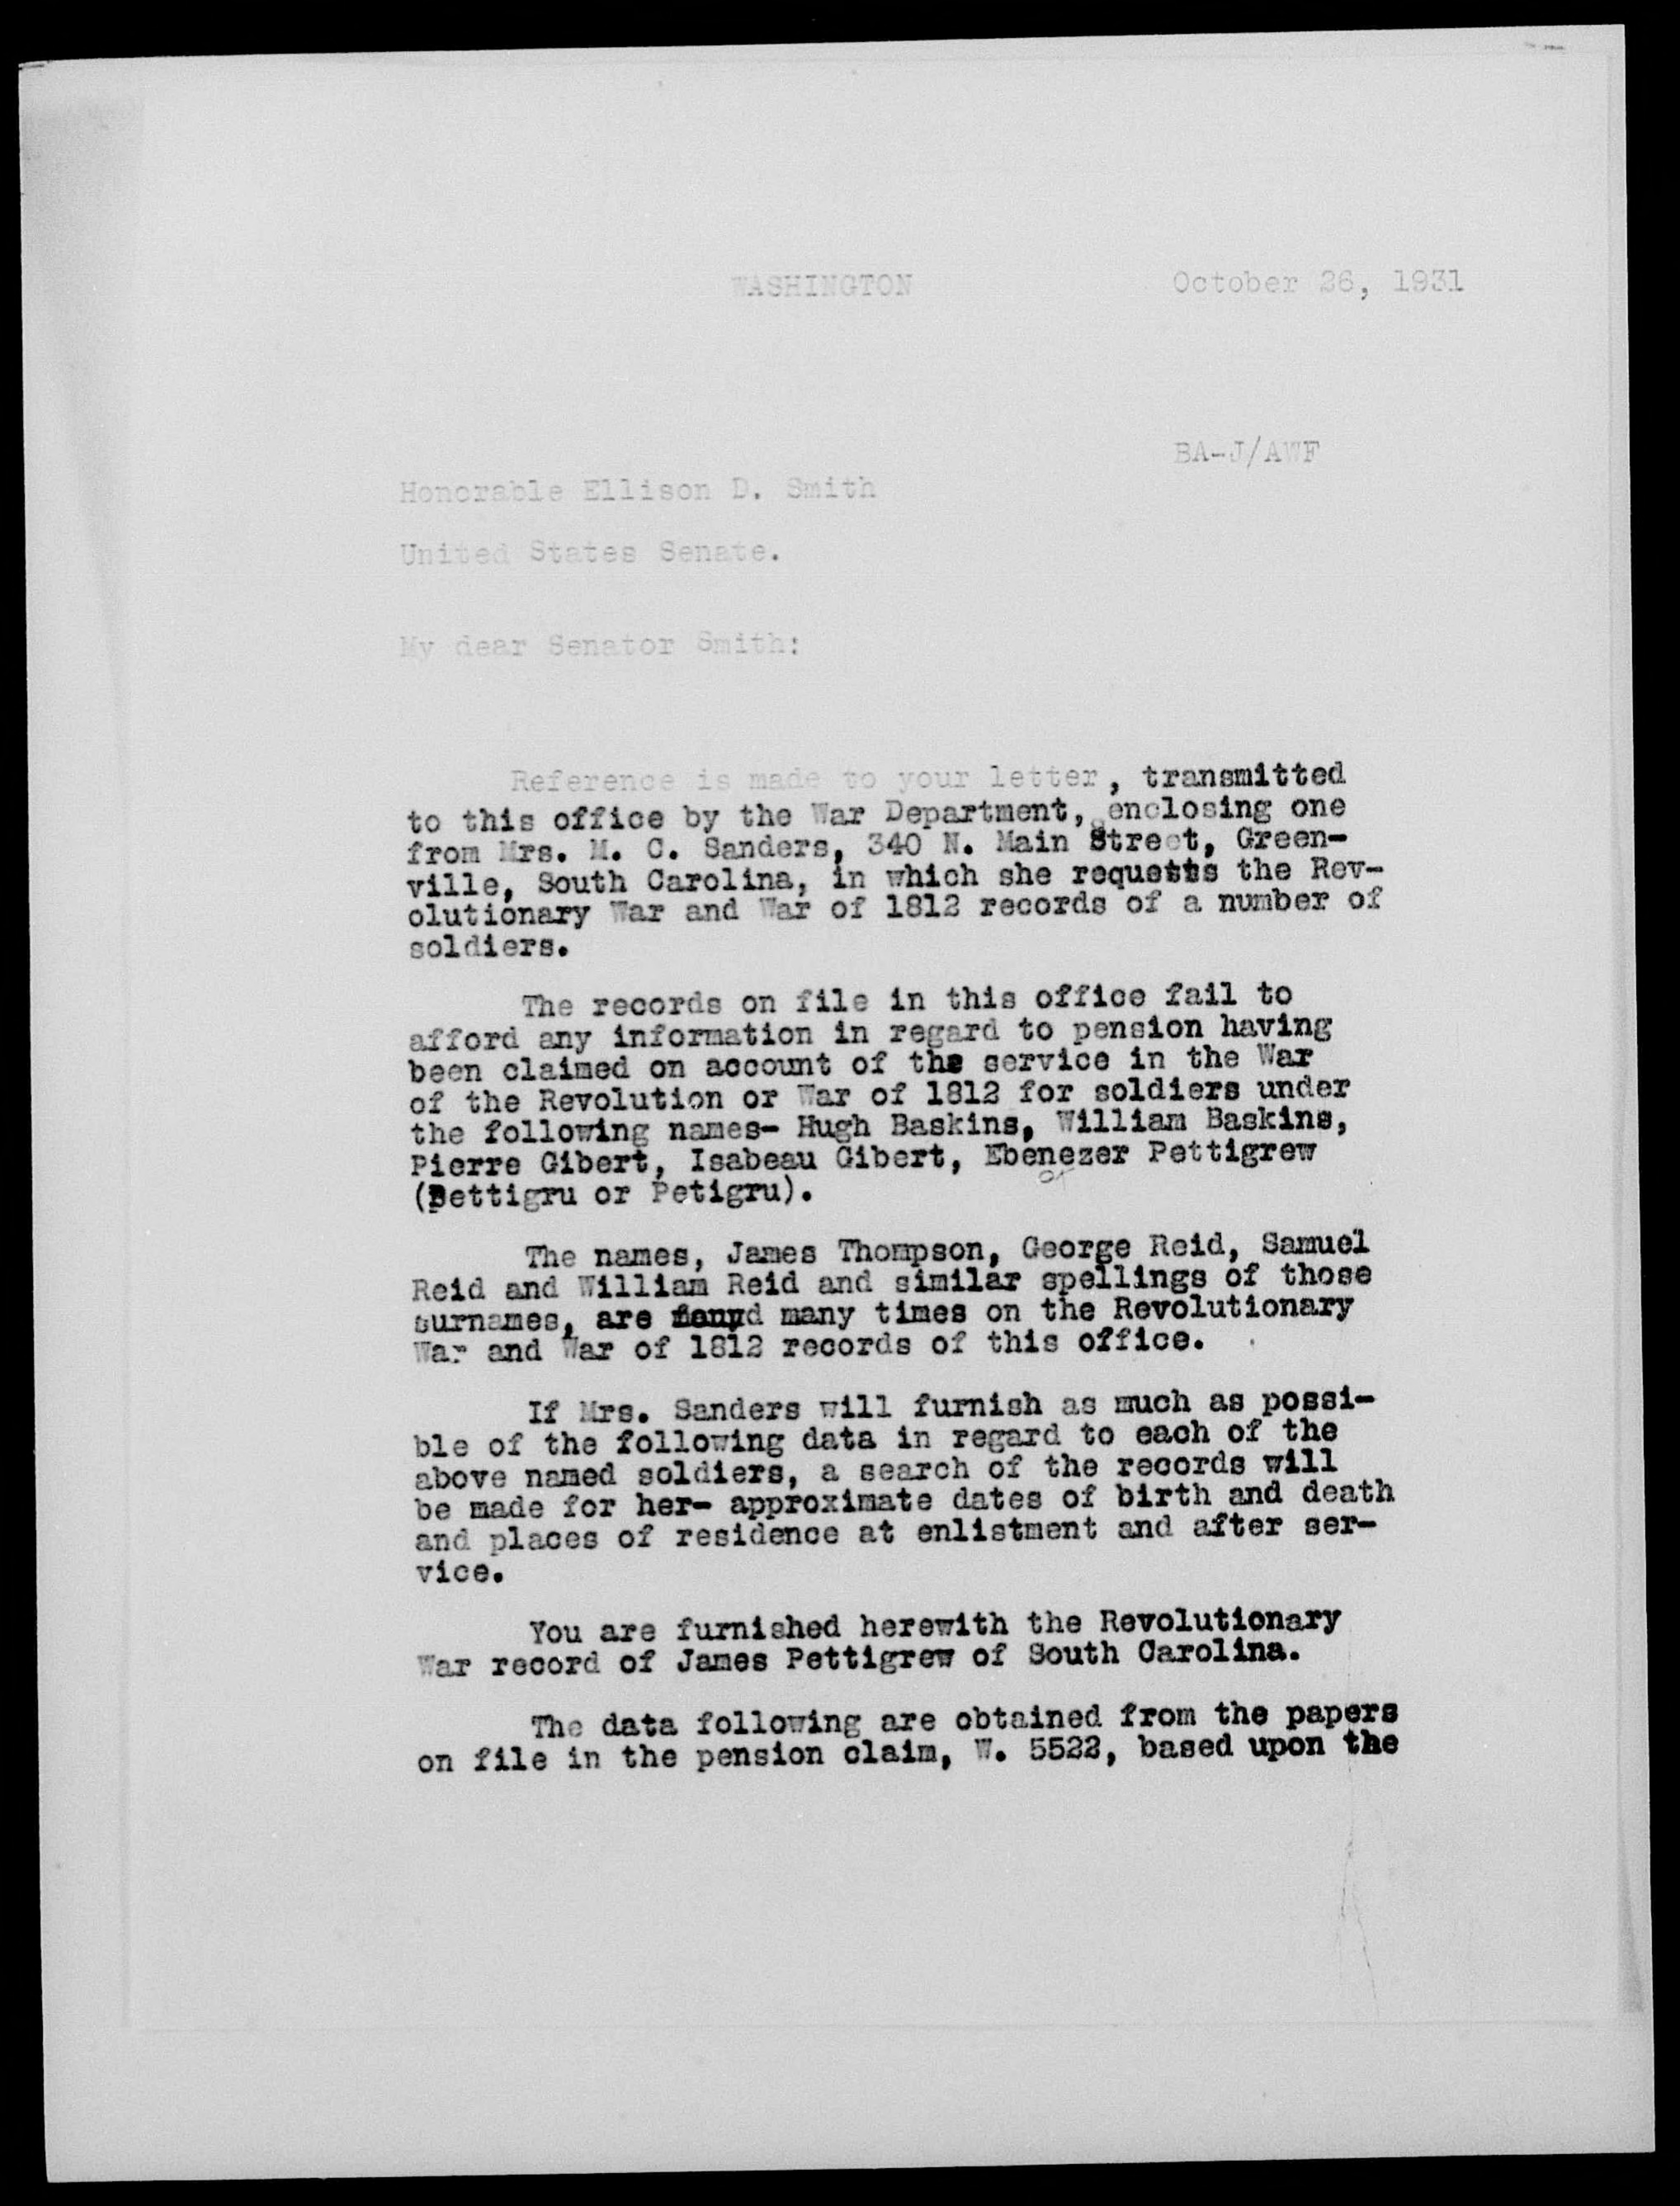WASHINGTON [Space] October 26, 1931

BA-J/AWF

Honorable Ellison D. Smith
United States Senate.

My dear Senator Smith:


Reference is made to your letter, transmitted to this office by the War Department, enclosing one from Mrs. M. C. Sanders, 340 N. Main Street, Greenville, South Carolina, in which she requestts the Revolutionary War and War of 1812 records of a number of soldiers.

The records on file in this office fail to afford any information in regard to pension having been claimed on account of the service in the War of the Revolution or War of 1812 for soldiers under the following names- Hugh Baskins, William Baskins, Pierre Gibert, Isabeau Gibert, Ebenezer Pettigrew (Pettigru or Petigru).

The names, James Thompson, George Reid, Samuel Reid and William Reid and similar spellings of those surnames, are [Illegible] many times on the Revolutionary War and War of 1812 records of this office.

If Mrs. Sanders will furnish as much as possible of the following data in regard to each of the above named soldiers, a search of the records will be made for her- approximate dates of birth and death and places of residence at enlistment and after service.

You are furnished herewith the Revolutionary War record of James Pettigrew of South Carolina.

The data following are obtained from the papers on file in the pension claim, W. 5522, based upon the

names: Samuel Reid; William Reid; James Pettigrew; William Baskins; James Thompson; Isabeau Gibert; M C Sanders; Ebenezer Pettigrew; Ebenezer Pettigru; Pierre Gibert; Ellison D Smith; George Reid; Hugh Baskins; Ebenezer Petigru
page: 80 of 92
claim: widow's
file: W. 5522, for James Pettigrew, South Carolina